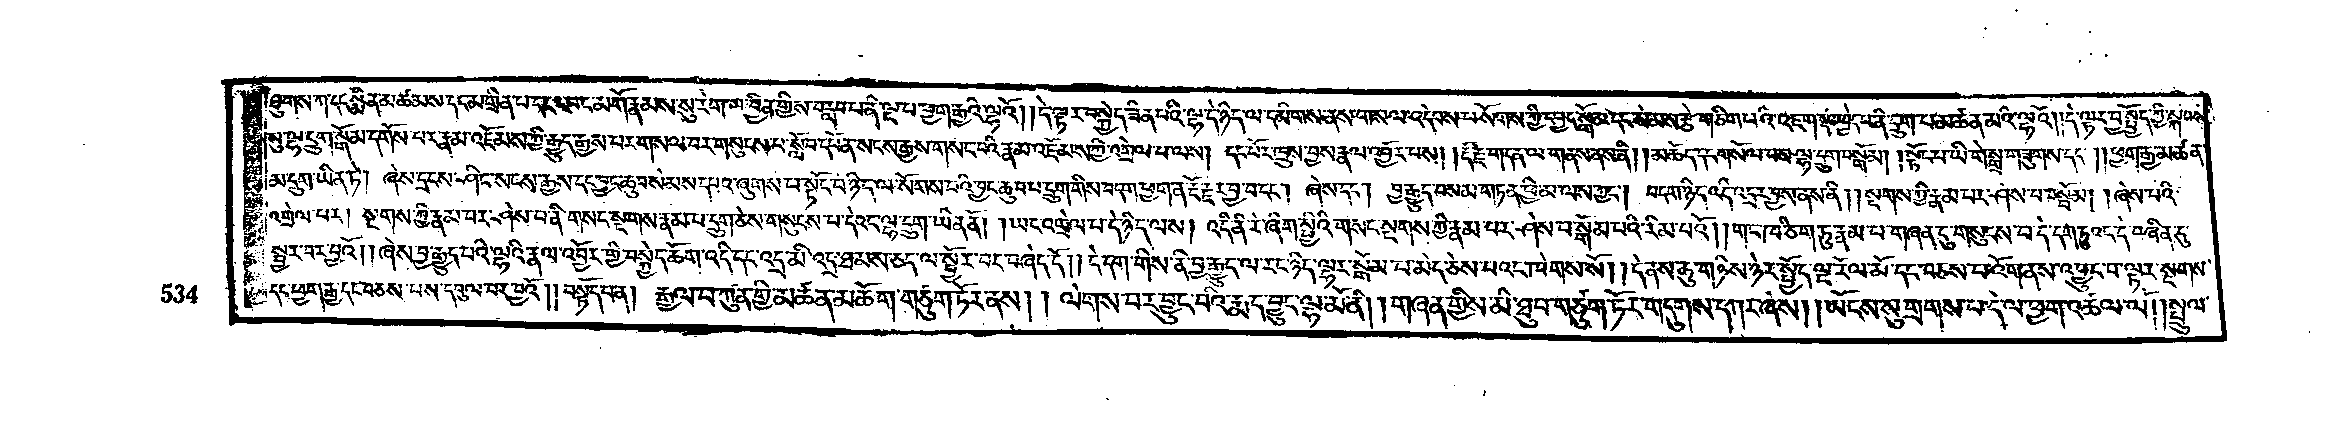ཐུགས་ཀ་དང་སྨིན་མཚམས་དང་མགྲིན་པ་དང་དཔུང་མགོ་རྣམས་སུ་རེག་ལ་བྱིན་གྱིས་བརླབ་པ་ནི་ལྔ་པ་ཕྱག་རྒྱའི་ལྷའོ། །དེ་ལྟར་བསྐྱེད་ཟིན་པའི་ལྷ་དེ་ཉིད་ལ་དམིགས་ནས་གསལ་འདེབས་པ་སོགས་ཀྱི་དཔྱད་སྒོམ་དང་སེམས་རྩེ་གཅིག་པའི་འཇིག་སྒོམ་བྱེད་པ་ནི་དྲུག་པ་མཚན་མའི་ལྷའོ། །དེ་ལྟར་བྱ་སྤྱོད་ཀྱི་སྐབས་
སུ་ལྷ་དྲུག་སྒོམ་དགོས་པར་རྣམ་འཇོམས་ཀྱི་རྒྱུད་རྒྱས་པར་གསལ་བར་གསུངས་པ་སློབ་དཔོན་སངས་རྒྱས་གསང་བའི་རྣམ་འཇོམས་ཀྱི་འགྲེལ་པ་ལས། དང་པོར་ཁྲུས་བྱས་རྣལ་འབྱོར་པས། །རྡོ་རྗེ་གདན་ལ་གནས་ནས་ནི། །མཆོད་དང་གསོལ་བས་ལྷ་དྲུག་བསྒོམ། །སྟོང་པ་ཡི་གེ་སྒྲ་གཟུགས་དང་། །ཕྱག་རྒྱ་མཚན་
མ་དྲུག་ཡིན་ཏེ། ཞེས་དྲངས་ཤིང་སངས་རྒྱས་དང་བྱང་ཆུབ་སེམས་དཔའ་ཞུགས་པ་སྟོང་པ་ཉིད་ལ་སོགས་པའི་བྱང་ཆུབ་པ་དྲུག་གིས་བདག་ཕྱག་ན་རྡོ་རྗེར་བྱ་བ་དང་། ཞེས་དང་། བྱ་རྒྱུད་བསམ་གཏན་ཕྱི་མ་ལས་ཀྱང་། བདག་ཉིད་འདི་འདྲར་བྱས་ནས་ནི། །སྔགས་ཀྱི་རྣམ་པར་ཤེས་པ་བསྒོམ། །ཞེས་པའི་
འགྲེལ་པར། སྔགས་ཀྱི་རྣམ་པར་ཤེས་པ་ནི་གསང་སྔགས་རྣམ་པ་དྲུག་ཅེས་གསུངས་པ་དེའང་ལྷ་དྲུག་ཡིན་ནོ། །ཡང་འགྲེལ་པ་དེ་ཉིད་ལས། འདི་ནི་རེ་ཞིག་སྤྱིའི་གསང་སྔགས་ཀྱི་རྣམ་པར་ཤེས་པ་སྒོམ་པའི་རིམ་པའོ། །གང་ཁ་ཅིག་ཏུ་རྣམ་པ་གཞན་དུ་གསུངས་པ་དེ་དག་ཏུའང་དེ་བཞིན་དུ་
སྦྱར་བར་བྱའོ། །ཞེས་བྱ་རྒྱུད་པའི་ལྷའི་རྣལ་འབྱོར་གྱི་བསྐྱེད་ཆོག་འདི་དང་འདྲ་མི་འདྲ་ཐམས་ཅད་ལ་སྦྱོར་བར་བཞེད་དོ། །དེ་དག་གིས་ནི་བྱ་རྒྱུད་ལ་རང་ཉིད་ལྷར་སྒོམ་པ་མེད་ཅེས་པའང་ཁེགས་སོ། །དེ་ནས་ཆུ་གཉིས་ཉེར་སྤྱོད་ལྔ་རོལ་མོ་དང་བཅས་པ་འོག་ནས་འབྱུང་བ་ལྟར་སྔགས་
དང་ཕྱག་རྒྱ་དང་བཅས་པས་དབུལ་བར་བྱའོ། །བསྟོད་པ་ན། རྒྱལ་བ་ཀུན་གྱི་མཚན་མཆོག་གཙུག་ཏོར་ནས། །ལེགས་པར་བྱུང་བའི་རྨད་བྱུང་ལྷ་མོ་ནི། །གཞན་གྱིས་མི་ཐུབ་གཙུག་ཏོར་གདུགས་དཀར་ཞེས། །ཡོངས་སུ་གྲགས་པ་དེ་ལ་ཕྱག་འཚལ་ལོ། །སྤྲུལ་